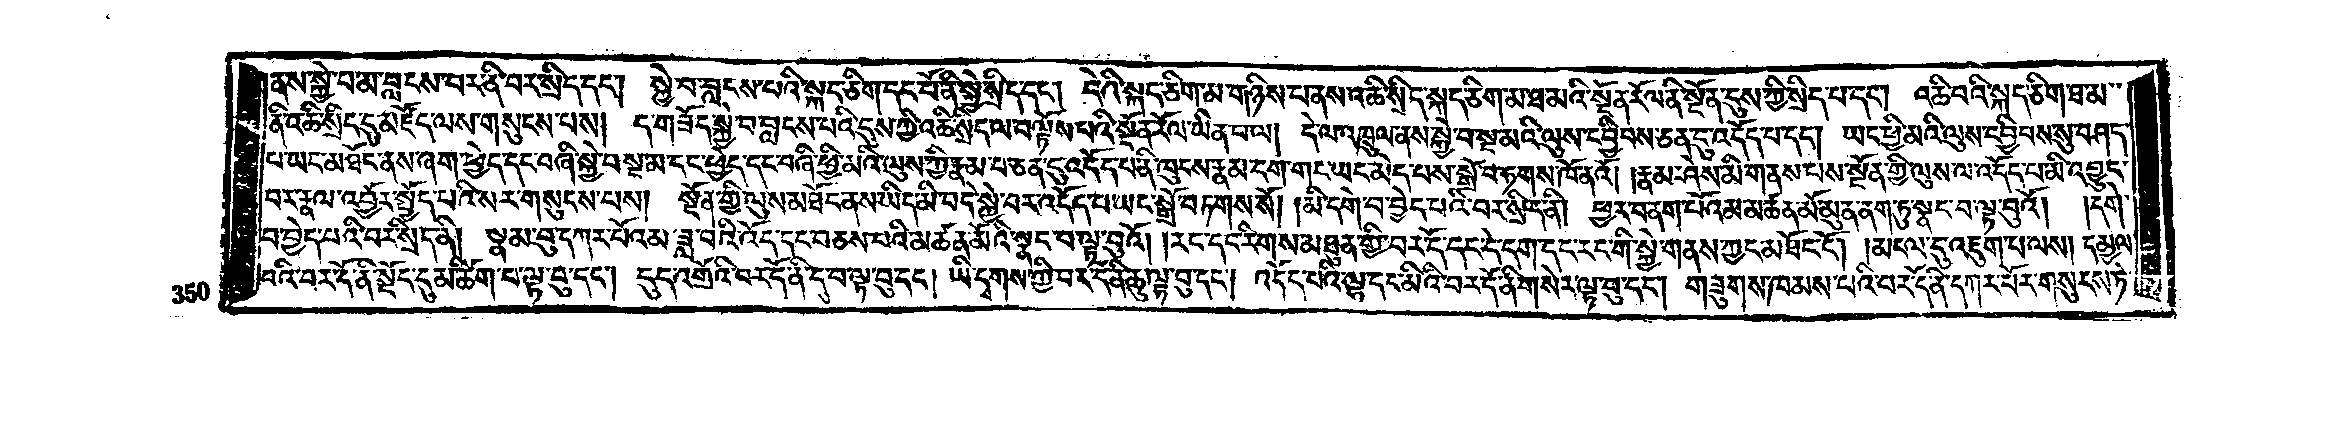ནས་སྐྱེ་བ་མ་བླངས་བར་ནི་བར་སྲིད་དང་། སྐྱེ་བ་བླངས་པའི་སྐད་ཅིག་དང་པོ་ནི་སྐྱེ་སྲིད་དང་། དེའི་སྐད་ཅིག་མ་གཉིས་པ་ནས་འཆི་སྲིད་སྐད་ཅིག་མ་ཐ་མའི་སྔོན་རོལ་ནི་སྔོན་དུས་ཀྱི་སྲིད་པ་དང་། འཆི་བའི་སྐད་ཅིག་ཐ་མ་
ནི་འཆི་སྲིད་དུ་མཛོད་ལས་གསུངས་པས། ད་གཟོད་སྐྱེ་བ་བླངས་པའི་དུས་ཀྱི་འཆི་སྲིད་ལ་བལྟོས་པའི་སྔོན་རོལ་ཡིན་པ་ལ། དེ་ལ་འཁྲུལ་ནས་སྐྱེ་བ་སྔ་མའི་ལུས་དབྱིབས་ཅན་དུ་འདོད་པ་དང་། ཡང་ཕྱི་མའི་ལུས་དབྱིབས་སུ་བཤད་
པ་ཡང་མཐོང་ནས་ཞག་ཕྱེད་དང་བཞི་སྐྱེ་བ་སྔ་མ་དང་ཕྱེད་དང་བཞི་ཕྱི་མའི་ལུས་ཀྱི་རྣམ་པ་ཅན་དུ་འདོད་པ་ནི་ཁུངས་རྣམ་དག་གང་ཡང་མེད་པས་སྒྲོ་བཏགས་ཁོ་ནའོ། །རྣམ་ཤེས་མི་གནས་པས་སྔོན་གྱི་ལུས་ལ་འདོད་པ་མི་འབྱུང་
བར་རྣལ་འབྱོར་སྤྱོད་པའི་སར་གསུངས་པས། སྔོན་གྱི་ལུས་མཐོང་ནས་ཡིད་མི་བདེ་སྐྱེ་བར་འདོད་པ་ཡང་སྒྲོ་བཏགས་སོ། །མི་དགེ་བ་བྱེད་པའི་བར་སྲིད་ནི། ཕྱར་བ་ནག་པོའམ་མཚན་མོ་མུན་ནག་ཏུ་སྣང་བ་ལྟ་བུའོ། །དགེ་
བ་བྱེད་པའི་བར་སྲིད་ནི། སྣམ་བུ་དཀར་པོའམ་ཟླ་བའི་འོད་དང་བཅས་པའི་མཚན་མོའི་སྣང་བ་ལྟ་བུའོ། །རང་དང་རིགས་མཐུན་གྱི་བར་དོ་དང་དེ་དག་དང་རང་གི་སྐྱེ་གནས་ཀྱང་མཐོང་ངོ། །མངལ་དུ་འཇུག་པ་ལས། དམྱལ་
བའི་བར་དོ་ནི་སྡོང་དུ་མ་ཚིག་པ་ལྟ་བུ་དང་། དུད་འགྲོའི་བར་དོ་ནི་དུ་བ་ལྟ་བུ་དང་། ཡི་དྭགས་ཀྱི་བར་དོ་ནི་ཆུ་ལྟ་བུ་དང་། འདོད་པའི་ལྷ་དང་མིའི་བར་དོ་ནི་གསེར་ལྟ་བུ་དང་། གཟུགས་ཁམས་པའི་བར་དོ་ནི་དཀར་པོར་གསུངས་ཏེ་